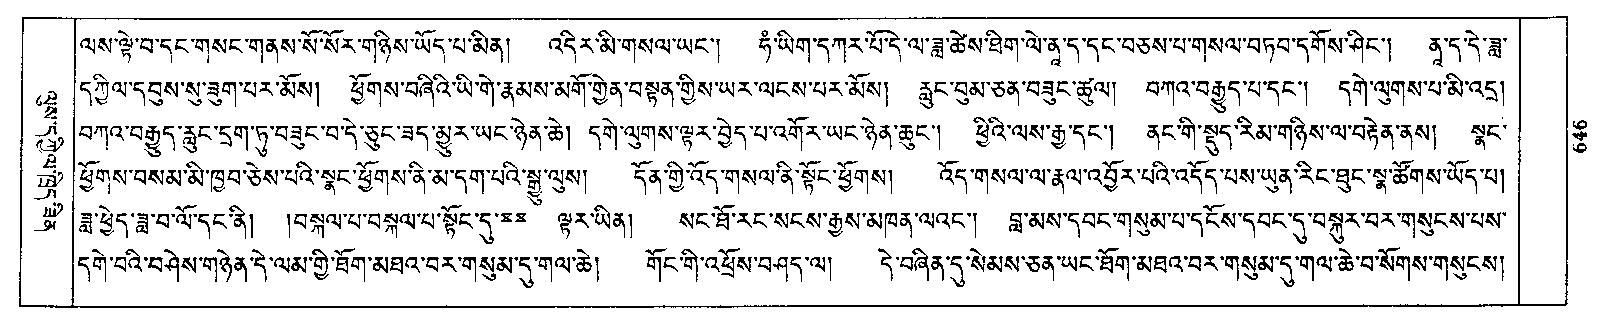ལས་ལྟེ་བ་དང་གསང་གནས་སོ་སོར་གཉིས་ཡོད་པ་མིན། འདིར་མི་གསལ་ཡང་། ཧཾ་ཡིག་དཀར་པོ་དེ་ལ་ཟླ་ཚེས་ཐིག་ལེ་ནཱ་ད་དང་བཅས་པ་གསལ་བཏབ་དགོས་ཤིང་། ནཱ་ད་དེ་ཟླ་
དཀྱིལ་དབུས་སུ་ཟུག་པར་མོས། ཕྱོགས་བཞིའི་ཡི་གེ་རྣམས་མགོ་གྱེན་བསྟན་གྱིས་ཡར་ལངས་པར་མོས། རླུང་བུམ་ཅན་བཟུང་ཚུལ། བཀའ་བརྒྱུད་པ་དང་། དགེ་ལུགས་པ་མི་འདྲ།
བཀའ་བརྒྱུད་རླུང་དྲག་ཏུ་བཟུང་བ་དེ་ཅུང་ཟད་མྱུར་ཡང་ཉེན་ཆེ། དགེ་ལུགས་ལྟར་བྱེད་པ་འགོར་ཡང་ཉེན་ཆུང་། ཕྱིའི་ལས་རྒྱ་དང་། ནང་གི་སྡུད་རིམ་གཉིས་ལ་བརྟེན་ནས། སྣང་
ཕྱོགས་བསམ་མི་ཁྱབ་ཅེས་པའི་སྣང་ཕྱོགས་ནི་མ་དག་པའི་སྒྱུ་ལུས། དོན་གྱི་འོད་གསལ་ནི་སྟོང་ཕྱོགས། འོད་གསལ་ལ་རྣལ་འབྱོར་པའི་འདོད་པས་ཡུན་རིང་ཐུང་སྣ་ཚོགས་ཡོད་པ།
ཟླ་ཕྱེད་ཟླ་བ་ལོ་དང་ནི། །བསྐལ་པ་བསྐལ་པ་སྟོང་དུ་྾་྾་ལྟར་ཡིན། སང་ཐོ་རང་སངས་རྒྱས་མཁན་ལའང་། བླ་མས་དབང་གསུམ་པ་དངོས་དབང་དུ་བསྐུར་བར་གསུངས་པས་
དགེ་བའི་བཤེས་གཉེན་དེ་ལམ་གྱི་ཐོག་མཐའ་བར་གསུམ་དུ་གལ་ཆེ། གོང་གི་འཕྲོས་བཤད་ལ། དེ་བཞིན་དུ་སེམས་ཅན་ཡང་ཐོག་མཐའ་བར་གསུམ་དུ་གལ་ཆེ་བ་སོགས་གསུངས།